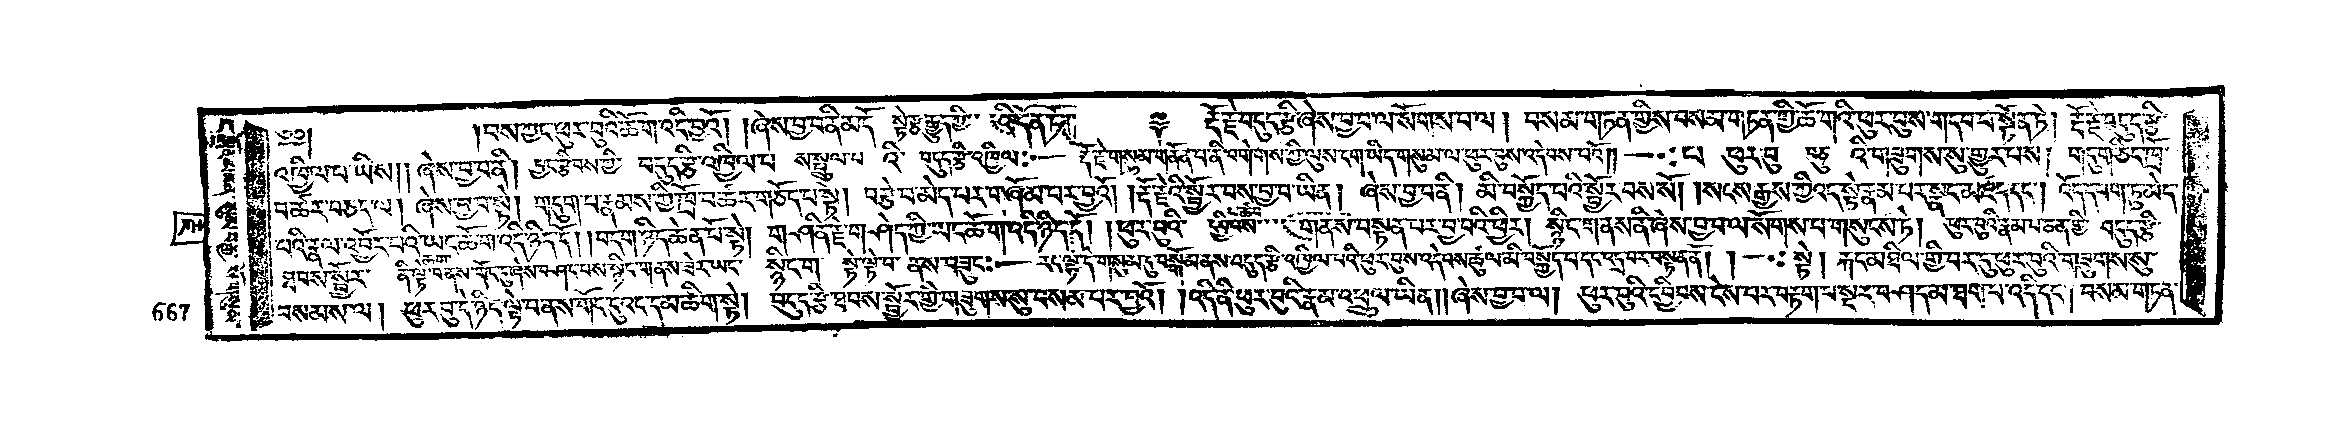༄༅། །པས་ཀྱང་ཕུར་བུའི་ཆོ་ག་འདི་བྱའོ། །ཞེས་བྱ་བ་ནི་མདོ་སྟེ་རྩ་རྒྱུད་ཀྱི་འི་དོན་ཏོ།། ༈ རྡོ་རྗེ་བདུད་རྩི་ཞེས་བྱ་བ་ལ་སོགས་པ་ལ། བསམ་གཏན་གྱིས་བསམ་གཏན་གྱི་ཆོ་གའི་ཕུར་བུས་གདབ་པ་སྟོན་ཏེ། རྡོ་རྗེ་བདུད་རྩི་
འཁྱིལ་པ་ཡིས། །ཞེས་བྱ་བ་ནི། བྱང་རྩིབས་ཀྱི་བདུད་རྩི་འཁྱིལ་པས་སྤྲུལ་པའི་བདུད་རྩི་འཁྱིལཿ་རྡོ་རྗེ་གསུམ་གནོན་པ་ནི་བགེགས་ཀྱི་ལུས་ངག་ཡིད་གསུམ་ལ་ཕུར་བུས་འདེབས་པའོ།།  .Hཔ་ཕུར་བུ་བཅུའི་གཟུགས་སུ་གྱུར་པས། གདུག་ཅིང་ཁྲོ་
བ་ཚར་བཅད་ལ། ཞེས་བྱ་བ་སྟེ། གདུག་པ་རྣམས་ཀྱི་ཁྲོ་བ་ཚར་གཅོད་པ་སྟེ། བརྩེ་བ་མེད་པར་གཞོམ་པར་བྱའོ། །རྡོ་རྗེའི་སྦྱོར་བས་བྱ་བ་ཡིན། ཞེས་བྱ་བ་ནི། མི་བསྐྱོད་པའི་སྦྱོར་བས་སོ། །སངས་རྒྱས་ཀྱིའང་སྟེ་རྣམ་པར་སྣང་མཛད་དང་། འོད་དཔག་ཏུ་མེད་
པའི་རྣལ་འབྱོར་པའི་ཡང་ཆོ་ག་འདི་ཉིད་དོ། །བདག་ཉིད་ཆེན་པོ་སྟེ། གཤིན་རྗེ་གཤེད་ཀྱི་ཡང་ཆོ་ག་འདི་ཉིད་དོ། །ཕུར་བུའི་དབྱིབས་པ་ཚབ་གནས་བསྟན་པར་བྱ་བའི་ཕྱིར། སྙིང་གནས་ནི་ཞེས་བྱ་བ་ལ་སོགས་པ་གསུངས་ཏེ། ཕུར་བུའི་རྣམ་པ་ཅན་གྱི་བདུད་རྩི་
ཐབས་སྦྱོར་ནི་ལྟེ་ཆག་བ་ནས་གོང་དུ་ཞེས་བཤད་པས་སྙིང་གནས་ཟེར་ཡང་སྙིང་ག་སྟེ་ལྟེ་བ་ནས་བཟུངཿ་རང་ལྷ་དེ་གསུམ་དུ་བསྒོམ་ནས་བདུད་རྩི་འཁྱིལ་པའི་ཕུར་བུས་འདེབས་ཚུལ་མི་བསྐྱོད་པ་དང་འདྲ་བར་བསྟན་ནོ། །  .Hསྟེ། རྐང་མཐིལ་གྱི་བར་དུ་ཕུར་བུའི་གཟུགས་སུ་
བསམས་ལ། ཕུར་བུ་དེ་ཉིད་ལྟེ་བ་ནས་གོང་དུའང་དམ་ཚིག་སྟེ། བདུད་རྩི་ཐབས་སྦྱོར་གྱི་གཟུགས་སུ་བསམ་པར་བྱའོ། །འདི་ནི་ཕུར་བུའི་རྣམ་འཕྲུལ་ཡིན། །ཞེས་བྱ་བ་ལ། ཕུར་བུའི་དབྱིབས་ངེས་པར་བརྟག་པ་སྔར་བཤད་མ་ཐག་པ་འདི་དང་། བསམ་གཏན་